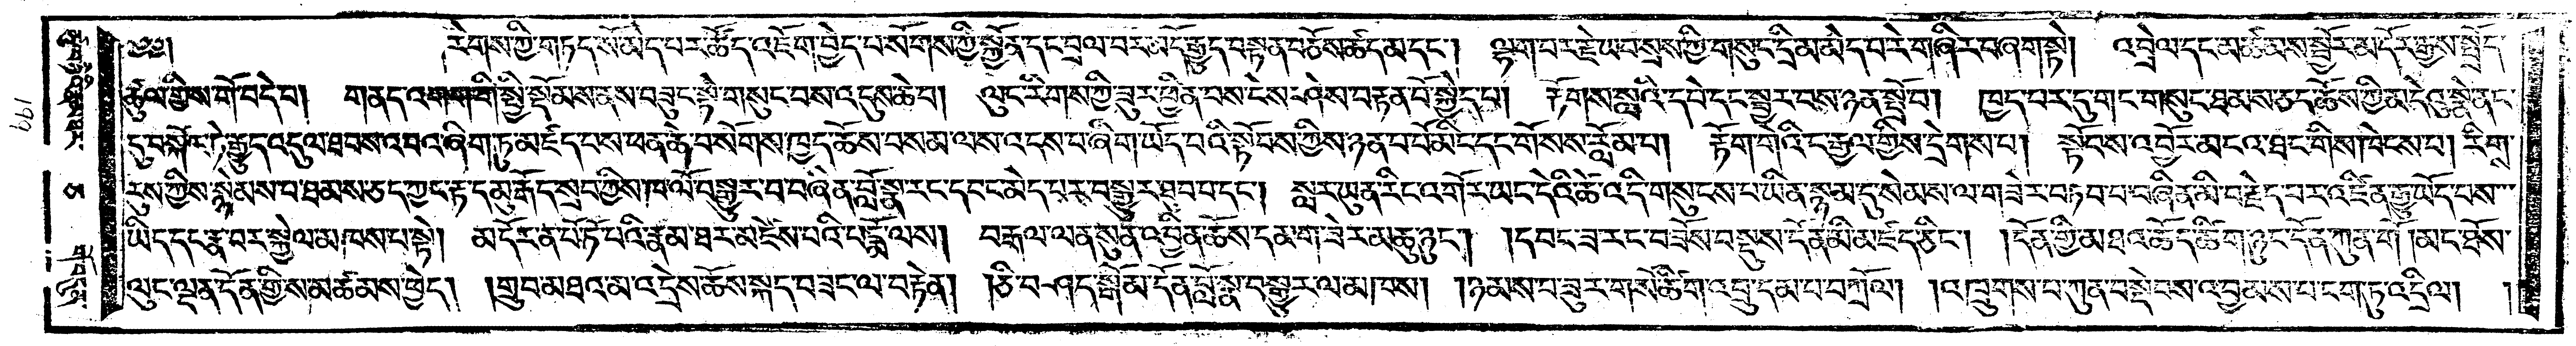༄༅། །རིགས་ཀྱི་གཏད་སོ་མེད་པར་ཚོད་འཇོག་བྱེད་པ་སོགས་ཀྱི་སྐྱོན་དང་བྲལ་བར་མདོ་རྒྱུད་བསྟན་བཅོས་ཚད་མ་དང་། ལྷག་པར་རྗེ་ཡབ་སྲས་ཀྱི་གསུང་དྲི་མ་མེད་བ་རེ་གཞིར་བཞག་སྟེ། འབྲེལ་དང་མཚམས་སྦྱོར་མདོར་རྒྱས་སྤྲོད་
ཚུལ་གྱིས་གོ་བདེ་བ། གནད་འགག་གི་སྤྱི་སྡོམས་ནས་བཟུང་སྟེ་གསུང་བས་འདུས་ཆེ་བ། ལུང་རིགས་ཀྱི་ཟུར་ཕྱིན་པས་ངེས་ཤེས་བརྟན་པོ་སྐྱེད་པ། རྟོགས་སླའི་དཔེ་དང་སྦྱར་བས་ཉན་སྤྲོ་བ། ཁྱད་པར་དུ་གང་གསུང་ཐམས་ཅད་ཆོས་ཀྱི་མདེའུ་སྣེ་ནན་
དུ་བསྐོར་ཏེ་རྒྱུད་འདུལ་ཐབས་འབའ་ཞིག་ཏུ་མཛད་པས་ཕན་ཆེ་བ་སོགས་ཁྱད་ཆོས་བསམ་ལས་འདས་པ་ཞིག་ཡོད་པའི་སྟོབས་ཀྱིས་ཉན་པ་པོ་མིང་དང་གོ་སས་རློམ་པ། རྟོག་གའི་ང་རྒྱལ་གྱིས་དྲེགས་པ། སྟོབས་འབྱོར་མངའ་ཐང་གིས་ཁེངས་བ། རིགས་
རུས་གྱིས་སྙེམས་པ་ཐམས་ཅད་ཀྱང་རྟ་དམུ་རྒོད་སྲབ་ཀྱིས་ཁ་ལོ་བསྒྱུར་བ་བཞིན་བློ་སྣ་རང་དབང་མེད་པར་བསྒྱུར་ཐུབ་པ་དང་། སླར་ཡུན་རིང་འགོར་ཡང་དེའི་ཚེ་འདི་གསུངས་པ་ཡིན་སྙམ་དུ་སེམས་ལ་གཟེར་བཏབ་པ་བཞིན་མི་བརྗེད་པར་འཛིན་རྒྱུ་ཡོད་བས་
ཡིད་དང་རྣ་བར་སྐྱེལ་མཁས་པ་སྟེ། མདོར་ན་པོ་ཏོ་པའི་རྣམ་ཐར་མཛེས་པའི་པདམོ་ལས། བརྒལ་ལན་སུན་འབྱིན་ཆོས་དམག་ཟེར་མཆུ་ཉུང་། །དབང་ཟ་རང་བཟོས་བསྡུས་དོན་མི་མཛད་ཅིང་། །དོན་གྱི་མཐའ་ཆོད་ཚིག་ཉུང་དོན་ཀུན་གོ །མང་ཐོས་
ལུང་ལྡན་དོན་གྱིས་མཚམས་ཕྱེད། །གྲུབ་མཐའ་མ་འདྲེས་ཆོས་སྐད་བཟང་ལ་བརྟེན། །ཅི་བཤད་སྒོམ་དོན་བློ་སྣ་བསྒྱུར་ལ་མཁས། །ཉམས་བ་ཟུར་གསོ་ཚིག་འབྲུ་དམ་པ་བཀྲོལ། །འཁྲུགས་པ་ཀུན་བསྡེབས་འབྱམས་པ་ངག་ཏུ་འདྲིལ། །